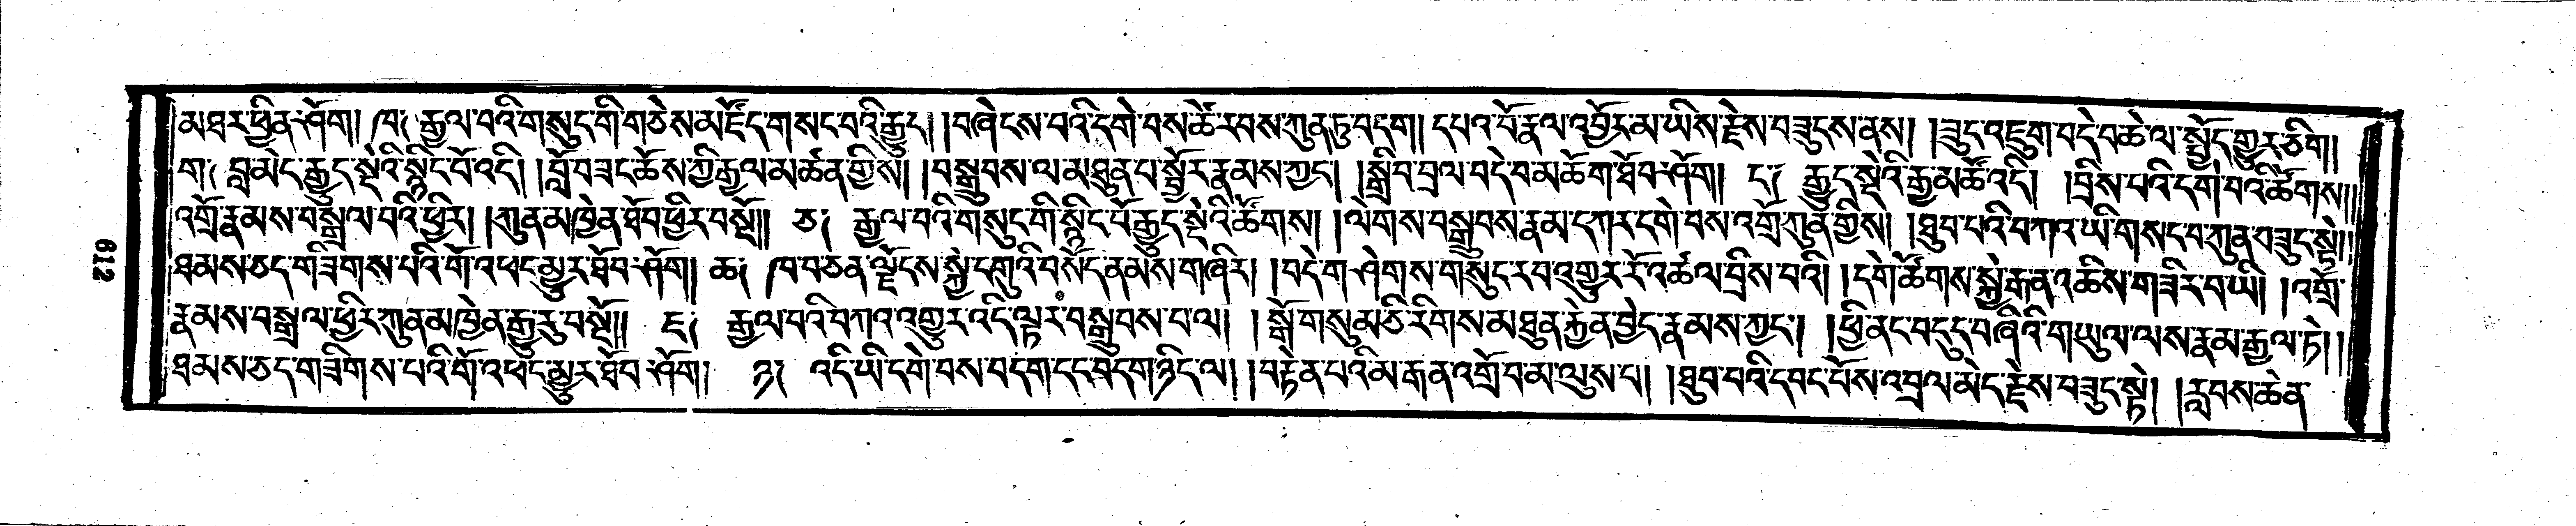མཐར་ཕྱིན་ཤོག །ཁ༑ རྒྱལ་བའི་གསུང་གི་གཅེས་མཛོད་གསང་བའི་རྒྱུད། །བཞེངས་པའི་དགེ་བས་ཚེ་རབས་ཀུན་ཏུ་བདག །དཔའ་བོ་རྣལ་འབྱོར་མ་ཡིས་རྗེས་བཟུངས་ནས། །ཟུང་འཇུག་བདེ་བ་ཆེ་ལ་སྤྱོད་གྱུར་ཅིག །
ག༑ བླ་མེད་རྒྱུད་སྡེའི་སྙིང་པོ་འདི། །བློ་བཟང་ཆོས་ཀྱི་རྒྱལ་མཚན་གྱིས། །བསྒྲུབས་ལ་མཐུན་པ་སྦྱོར་རྣམས་ཀྱང་། །སྒྲིབ་བྲལ་བདེ་བ་མཆོག་ཐོབ་ཤོག །ང༑ རྒྱུད་སྡེའི་རྒྱ་མཚོ་འདི། །བྲིས་པའི་དགེ་བའི་ཚོགས། །
འགྲོ་རྣམས་བསྒྲལ་བའི་ཕྱིར། །ཀུན་མཁྱེན་ཐོབ་ཕྱིར་བསྔོ།། ཅ༑ རྒྱལ་བའི་གསུང་གི་སྙིང་པོ་རྒྱུད་སྡེའི་ཚོགས། །ལེགས་བསྒྲུབས་རྣམ་དཀར་དགེ་བས་འགྲོ་ཀུན་གྱིས། །ཐུབ་པའི་བཀའ་ཡི་གསང་བ་ཀུན་བཟུང་སྟེ། །
ཐམས་ཅད་གཟིགས་པའི་གོ་འཕང་མྱུར་ཐོབ་ཤོག །ཆ༑ ཁ་བ་ཅན་ལྗོངས་སྐྱེ་དགུའི་བསོད་ནམས་གཞིར། །བདེ་གཤེགས་གསུང་རབ་འགྱུར་རོ་འཚལ་བྲིས་པའི། །དགེ་ཚོགས་སྐྱེ་རྒ་ན་འཆིས་གཟིར་བ་ཡི། །འགྲོ་
རྣམས་བསྒྲལ་ཕྱིར་ཀུན་མཁྱེན་རྒྱུ་རུ་བསྔོ།། ཇ༑ རྒྱལ་བའི་བཀའ་འགྱུར་འདི་ལྟར་བསྒྲུབས་པ་ལ། །སྒོ་གསུམ་ཅི་རིགས་མཐུན་རྐྱེན་བྱེད་རྣམས་ཀྱང་། །ཕྱི་ནང་བདུད་བཞིའི་གཡུལ་ལས་རྣམ་རྒྱལ་ཏེ། །
ཐམས་ཅད་གཟིགས་པའི་གོ་འཕང་མྱུར་ཐོབ་ཤོག །ཉ༑ འདི་ཡི་དགེ་བས་བདག་དང་བདག་ཉིད་ལ། །བརྟེན་པའི་མ་རྒན་འགྲོ་བ་མ་ལུས་པ། །ཐུབ་པའི་དབང་པོས་འབྲལ་མེད་རྗེས་བཟུང་སྟེ། །རླབས་ཆེན་